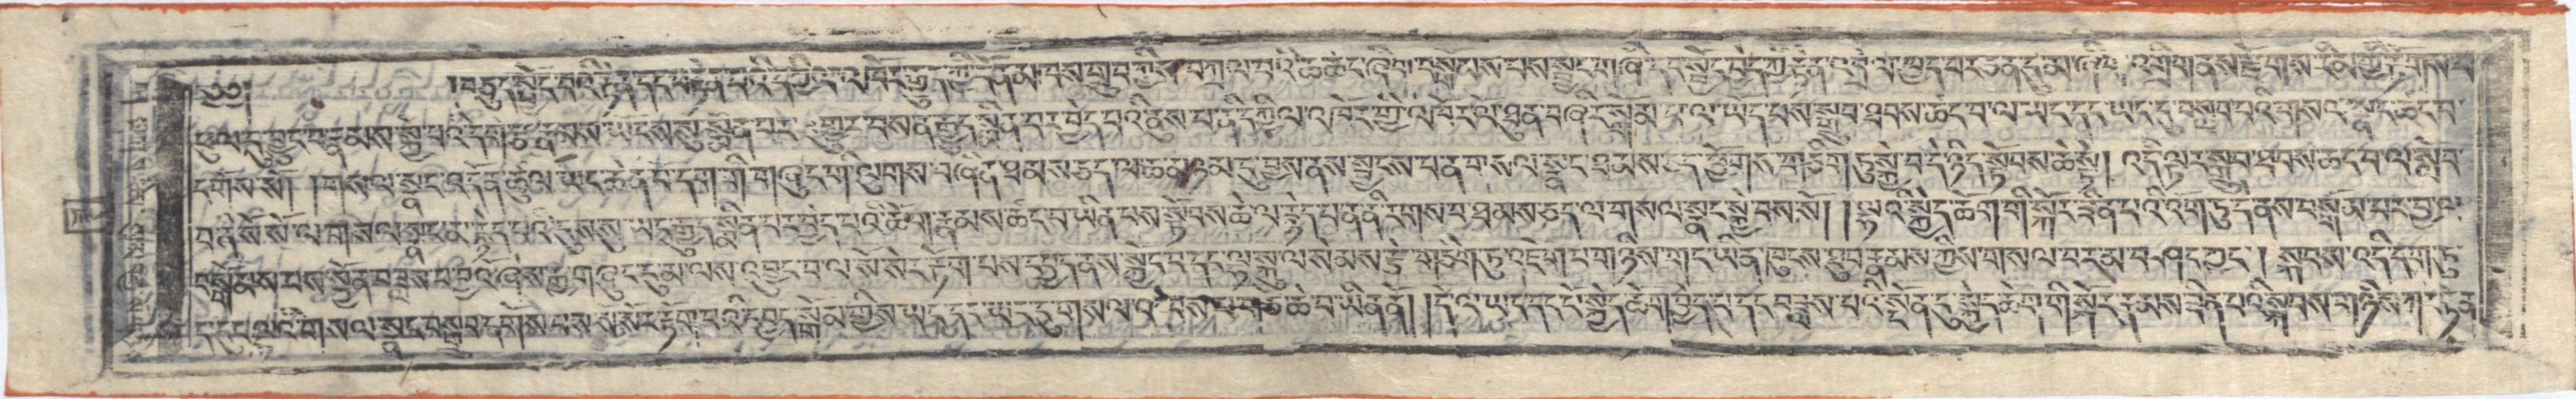༄༅། །བཅུད་སྦྱོང་བའི་རྟེན་དང་བརྟེན་པའི་དཀྱིལ་འཁོར་རྒྱུད་ཀྱི་དོན་མཁས་གྲུབ་ཀྱིས་བཀྲལ་བའི་ཆ་ཚང་ཞིག་བསྒོམས་པས་སྦྱང་གཞི་དང་སྦྱོང་བྱེད་ཀྱི་རྟེན་འབྲེལ་ཁྱད་པར་ཅན་དུ་མ་ཞིག་འགྲིག་ནས་རྫོགས་རིམ་གྱི་རྟོགས་པ་
ཕུལ་དུ་བྱུང་བ་རྣམས་སྐྱེ་པའི་དགེ་རྩ་རྣམས་ཡོངས་སུ་སྨིན་པར་འགྱུར་བས་ན་རྒྱུད་སྨིན་པར་བྱེད་པའི་ནུས་པ་ནི་དཀྱིལ་འཁོར་གྱི་འཁོར་ལོ་ཐུན་བཞིར་སྒོམ་པ་ལ་ཡོད་པས་སྒྲུབ་ཐབས་ཚང་བ་ལ་ཡང་དང་ཡང་དུ་བསླབ་པའི་གསལ་སྣང་ཚང་བ་
དགོས་སོ། །གསལ་སྣང་འདོན་ཚུལ་ཡང་ཆེན་པོ་དག་གི་གཞུང་གི་ལུགས་བཞིན་ཐམས་ཅད་ལ་ཆ་མཉམ་དུ་བྱས་ནས་སྦྱངས་པ་ན་གསལ་སྣང་ཐམས་ཅད་ཕྱོགས་གཅིག་ཏུ་སྐྱེ་བ་དེ་ཉིད་སྟོབས་ཆེ་སྟེ། འདི་ལྟར་སྒྲུབ་ཐབས་ཚང་བ་ལ་སློབ་
བ་ནི་སོ་སོ་ལ་གསལ་སྣང་མ་རྙེད་པའི་དུས་སུ་ཡང་རྒྱུད་སྨིན་པར་བྱེད་པའི་ཚིག་རྣམས་ཚང་བ་ཡིན་པས་སྟོབས་ཆེ་ལ་རྙེད་པ་ན་ནི་རགས་པ་ཐམས་ཅད་ལ་གསལ་སྣང་སྐྱེ་བས་སོ། །ལྷའི་སྐྱེད་ཆོག་གི་སྐོར་ཟིན་པའི་འོག་ཏུ་དེ་ནས་བསྒོམ་པར་བྱ་ལ་
བསྒོམས་པས་སྐྱོན་བཟླས་པ་བྱའོ་ཞེས་རྒྱ་གཞུང་དུ་མ་ལས་འབྱུང་བ་ལ་སོ་སོར་རྟོག་པས་དཔྱད་ནས་སྐྱོང་བ་དང་ལྷ་སྐུ་ལ་སེམས་རྩེ་གཅིག་ཏུ་འཇོག་པ་གཉིས་གང་ཡིན་ཁུངས་ཐུབ་རྣམས་ཀྱིས་གསལ་བར་མ་བཤད་ཀྱང་། སྐབས་འདི་དག་ཏུ་
ད་དུང་ལྷའི་གསལ་སྣང་བསྒྲུབ་དགོས་པས་སོ་སོར་རྟོག་པའི་དབྱད་སྒོམ་གྱིས་ཡང་དང་ཡང་དུ་གསལ་འདེབས་པ་གཙོ་ཆེ་བ་ཡིན་ནོ། །དེ་ལ་ཡང་དང་པོ་སྐྱེད་ཆོག་བྱེད་པ་དང་བཟླས་པའི་སྔོན་དུ་སྐྱེད་ཆོག་གི་སྐོར་རྣམས་ཟིན་པའི་སྐབས་གཉིས་ཀར་རྟེན་